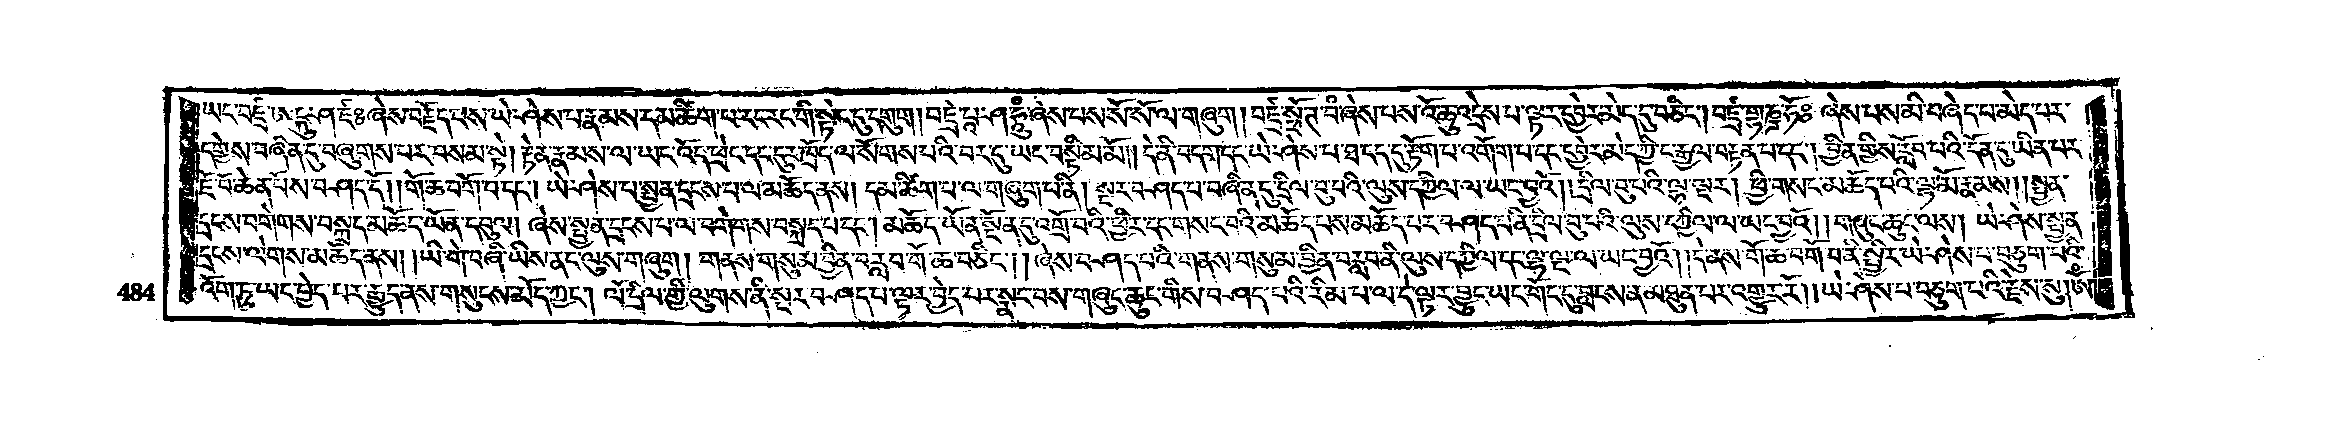ཡང་བཛྲ་ཨངྐུ་ཤ་ཛཿ ཞེས་བརྗོད་པས་ཡེ་ཤེས་པ་རྣམས་དམ་ཚིག་པ་རང་རང་གི་སྟེང་དུ་དགུག །བཛྲ་པཱ་ཤ་ཧཱུཾ་ཞེས་པས་སོ་སོ་ལ་གཞུག །བཛྲ་སྥོ་ཊ་བཾ་ཞེས་པས་འོ་ཆུ་འདྲེས་པ་ལྟར་དབྱེར་མེད་དུ་བཅིང་། བཛྲ་གྷ་ཎྜ་ཧོཿ ཞེས་པས་མི་བཞེད་པ་མེད་པར་
དགྱེས་བཞིན་དུ་བཞུགས་པར་བསམ་སྟེ། རྟེན་རྣམས་ལ་ཡང་འོད་ཕྲེང་དང་དུར་ཁྲོད་ལ་སོགས་པའི་བར་དུ་ཡང་བསྟིམ་མོ། །དེ་ནི་བདག་དང་ཡེ་ཤེས་པ་ཐ་དད་དུ་རྟོག་པ་འགོག་པ་དང་དབྱེར་མེད་ཀྱི་ང་རྒྱལ་བརྟན་པ་དང་། བྱིན་གྱིས་རློབ་པའི་དོན་དུ་ཡིན་པར་
ཇོ་བོ་ཆེན་པོས་བཤད་དོ། །གོ་ཆ་བགོ་བ་དང་། ཡེ་ཤེས་པ་སྤྱན་དྲངས་པ་ལ་མཆོད་ནས། དམ་ཚིག་པ་ལ་གཞུག་པ་ནི། སྔར་བཤད་པ་བཞིན་དུ་དྲིལ་བུ་པའི་ལུས་དཀྱིལ་ལ་ཡང་བྱའོ། །དྲིལ་བུ་པའི་ལྷ་ལྔར། ཕྱི་གསང་མཆོད་པའི་ལྷ་མོ་རྣམས། །སྤྱན་
དྲངས་བགེགས་བསྐྲད་མཆོད་ཡོན་དབུལ། ཞེས་སྤྱན་དྲངས་པ་ལ་བགེགས་བསྐྲད་པ་དང་། མཆོད་ཡོན་སྔོན་དུ་འགྲོ་བའི་ཕྱིར་དང་གསང་བའི་མཆོད་པས་མཆོད་པར་བཤད་པ་ནི་དྲིལ་བུ་པའི་ལུས་དཀྱིལ་ལ་ཡང་བྱའོ། །གཞུང་ཆུང་ལས། ཡེ་ཤེས་སྤྱན་
དྲངས་ལེགས་མཆོད་ནས། །ཡི་གེ་བཞི་ཡིས་རང་ལུས་གཞུག །གནས་གསུམ་བྱིན་བརླབ་གོ་ཆ་བཅིང་། །ཞེས་བཤད་པའི་གནས་གསུམ་བྱིན་བརླབ་ནི་ལུས་དཀྱིལ་དང་ལྷ་ལྔ་ལ་ཡང་བྱའོ། །དེ་ནས་གོ་ཆ་བགོ་བ་ནི་སྤྱིར་ཡེ་ཤེས་པ་བཅུག་པའི་
འོག་ཏུ་ཡང་བྱེད་པར་རྒྱུད་ནས་གསུངས་མོད་ཀྱང་། ལོ་དྲིལ་གྱི་ལུགས་ནི་སྔར་བཤད་པ་ལྟར་བྱེད་པར་སྣང་བས་གཞུང་ཆུང་གིས་བཤད་པའི་རིམ་པ་ལ་དེ་ལྟར་བྱུང་ཡང་གོང་དུ་བླངས་ན་མཐུན་པར་འགྱུར་རོ། །ཡེ་ཤེས་པ་བཅུག་པའི་རྗེས་སུ། ཨོཾ་